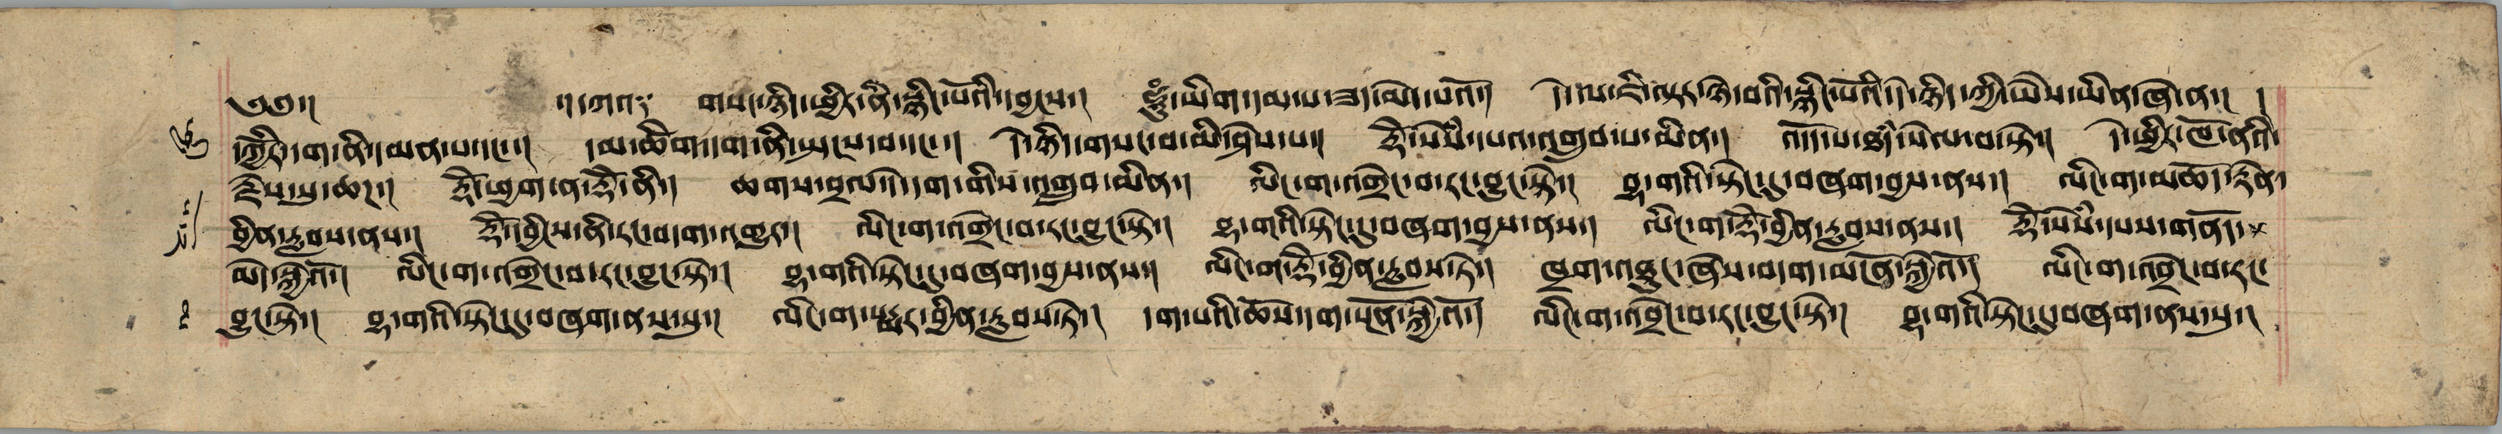༄༅་། ་།དཀའ༑ གསང་ཉིད་ཕྱིར་ནི་སྙིང་པོའི་དབྱངས་། ཧཱུཾ་ཡིག་དམ་པ་ཟད་མེད་པའོ་། དེ་ལ་ཇི་ལྟར་ཉེ་བའི་སྙིང་པོའི་དེ་ཉིད་ཀྱི་ཡཻས་ཡིན་ཞེ་ན་། །
དཀྱིོར་དག་ནི་དམན་པ་དང་་། དམ་ཚིག་དག་ནི་སྤངས་བ་དང་་། དེ་ཉིད་གསང་བ་མི་ཤེས་པ་། རྡོེ་སེཾས་དཔའ་འགྲུབ་པ་མིན་། འདོད་པ་ཐཾད་སེལ་བ་སྟེ་། དེ་ཕྱིར་ཁོ་ནའི་
རྗེས་སུ་ཆཌ་། རྡོེ་ཕྱག་ན་རྡོེ་ནི་། ཆགས་བྲལ་དེ་དག་གིས་འགྲུབ་མིན་། ལིང་ག་འགྲེང་བ་རང་བྱུང་སྟེ་། བྷ་གའི་སྟེང་དུ་བཞག་བྱས་ནས་། ལིང་ག་མཆོད་རྟེན་
བྱིན་རླབས་ནས་། རྡཽེ་དབྱིངས་ནི་རང་བདག་འགྱུར་། ལིང་ག་འགྲེང་བ་རང་བྱུང་སྟེ་། བྷ་གའི་སྟེང་དུ་བཞག་བྱས་ནས་། ལིང་ག་རྡོེ་བྱིན་རླབས་ནས་། རྡོེ་སེཾས་དཔས་གནོད་
མེད་སྐྱེའོ་། ལིང་ག་འགྲེང་བ་རང་བྱུང་སྟེ་། བྷ་གའི་སྟེང་དུ་བཞག་བྱས་ནས་། ལིང་ག་རྡོེ་བྱིན་རླབས་ཏེ་། ཁྲག་འཐུང་ཞེས་བདག་མངོན་སྐྱེའོ་། ལིང་ག་འབྲེང་བ་རང་
བྱུང་སྟེ་། བྷ་གའི་སྟེང་དུ་བཞག་ནས་སུ་། ལིང་ག་པདྨར་བྱིན་རླབས་ཏེ་། དག་པའི་ཆོས་དག་སྔོན་སྐྱེའོ་། ལིང་ག་འབྲེང་བ་རང་བྱུང་སྟེ་། བྷ་གའི་སྟེང་དུ་བཞག་ནས་སུ་།